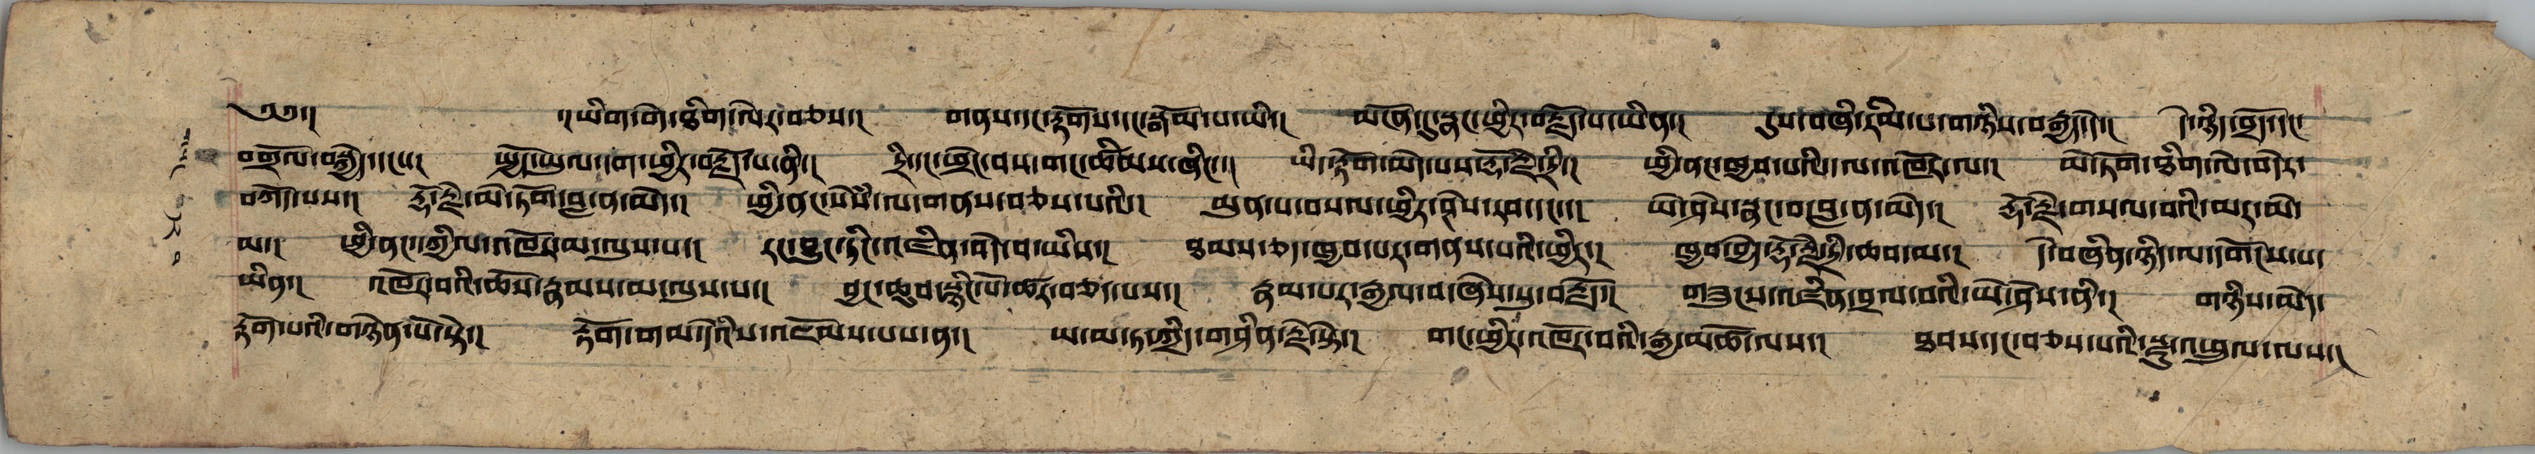༄༅་། ་།ཡིག་བདེ་ཐིག་ལེར་བཅས་། གནས་དང་རྟོགས་དང་སྒོམ་པ་ཡི་། མངོན་དུ་སྣང་ཕྱིར་བརྗོད་པ་ཡིན་། དུས་བཞི་རིམ་པ་གཉིས་བརྒྱད་དེ་། དེ་ཉིད་བྲོད་དང་
བགྲོལ་བསྐྱེད་དང་་། སྤྱོད་ཡུལ་དག་ཕྱིར་བརྗོད་པ་ནི་། དྲི་དང་ཕྲེང་བས་གང་ཚིམས་ཞིང་་། ཡི་སྟོག་མེད་པས་རྡོ་རྗེ་དྲི་། ཕྱི་ནང་ཁྱབ་པའི་ལ་འཁོར་ལ་། མེ་ཏོག་ཐིག་ལེ་བདེར་
བཀོད་པས་། རྡོ་རྗེ་མེ་ཏོག་བླ་ན་མེད་། ཕྱི་ནང་སེཾས་ལ་གནས་བཅས་པའི་། མུན་པ་བསལ་ཕྱིར་ཤེས་རབ་དང་་། ཡེ་ཤེས་སྣང་བ་བླ་ན་མེད་། རྡོ་རྗེ་གསལ་བའི་མར་མེ་
མ་། ཕྱི་ནང་དཀྱིལ་འཁོར་མ་ལུས་པ་། རང་བྱུང་ཏིང་འཛིན་བདེ་བ་ཡིས་། ཐམས་ཅད་ཁྱབ་པར་གནས་པའི་ཕྱིར་། ཁྱབ་བྱེད་རྡོ་རྗེ་དྲི་ཆབ་མ་། དེ་བཞིན་ཉིད་ལ་དགོངས་པ་
ཡིན་། འཁོར་བའི་ཆོས་རྣམས་མ་ལུས་པ་། བྱང་ཆུབ་སྙིང་པོ་ཚར་བཅད་པས་། རྣམ་པར་རྒྱལ་བ་ཞེས་སུ་བརྗོད་། གཟུངས་འཛིན་བྲལ་བའི་ཡེ་ཤེས་ནི་། གཉིས་མེད་
རྟོག་པའི་གཉེན་པོ་སྟེ་། རྟོག་གམ་དེའིས་འཇོམས་པས་ན་། ཡ་མ་ཏ་ཀྲིད་གཤིན་རྗེ་སྟེ་། གང་ཕྱིར་འཁོར་བའི་རྒྱ་མཚོ་ལས་། ཐབས་དང་བཅས་པའི་སྫུ་འཕྲུལ་ལས་།